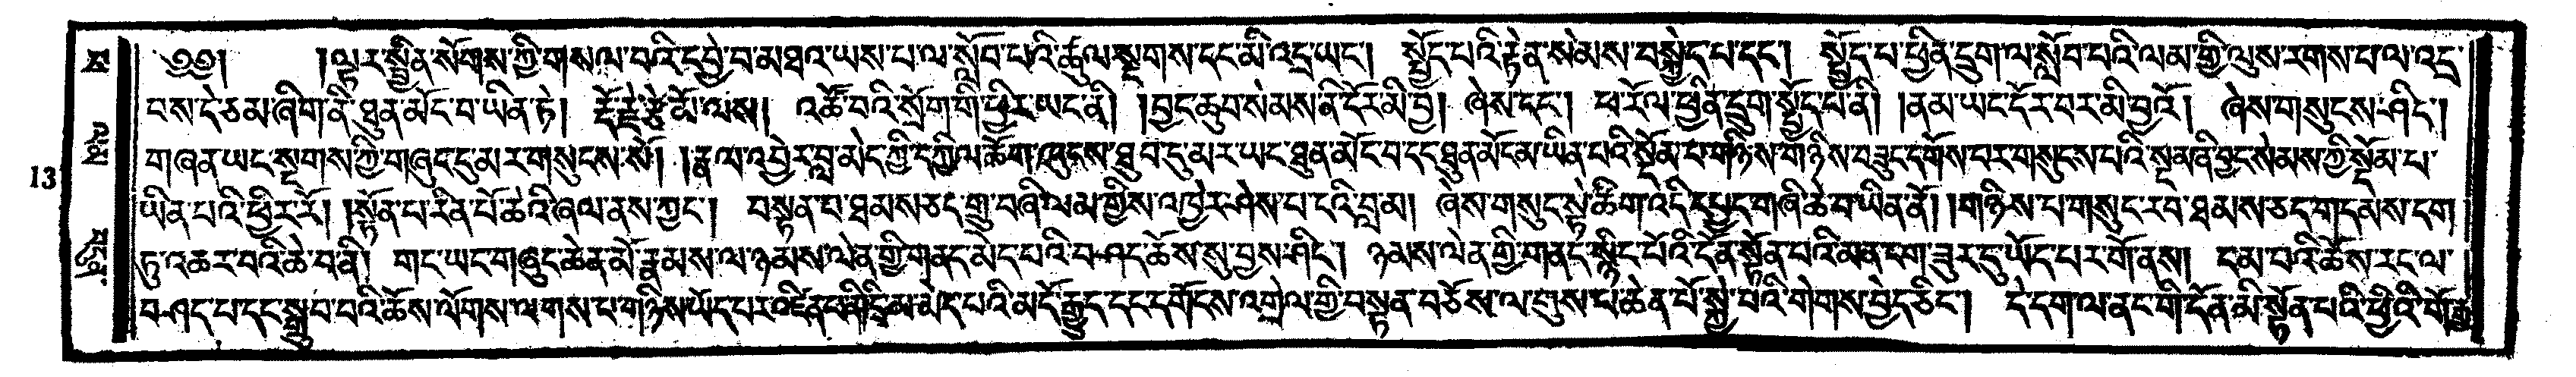༄༅། །ལྟར་སྦྱིན་སོགས་ཀྱི་གསལ་བའི་བྱེ་པ་མཐའ་ཡས་པ་ལ་སློབ་པའི་ཚུལ་སྔགས་དང་མི་འདྲ་ཡང་། སྤྱོད་པའི་རྟེན་སེམས་བསྐྱེད་པ་དང་།སྤྱོད་པ་ཕྱིན་དྲུག་ལ་སློབ་པའི་ལམ་གྱི་ལུས་རགས་པ་ལ་འདྲ་
བས་དེ་ཙམ་ཞིག་ནི་ཐུན་མོང་བ་ཡིན་ཏེ། རྡོ་རྗེ་མོ་ལས། འཚོ་བའི་སྲོག་གི་ཕྱིར་ཡང་ནི། །བྱང་ཆུབ་སེམས་ནི་དྲོ་མི་བྱ། ཞེས་དང་།ཕ་རོལ་ཕྱིན་དྲུག་སྤྱོད་པ་ནི། །ནམ་ཡང་དོར་བར་མི་བྱའོ། ཞེས་གསུང་ཤིང་།
གཞན་ཡང་སྔགས་ཀྱི་གཞུང་དུ་མར་གསུངས་སོ། །རྣལ་འབྱེར་བླ་མེད་ཀྱི་དཀྱིལ་ཚོག་ཁུངས་ཐུབ་དུ་མར་ཡང་ཐུན་མོང་བ་དང་ཐུན་མོང་མ་ཡིན་པའི་སྡོམ་པ་གཉིས་གཉིས་བཟུང་དགོས་པར་གསུང་པའི་སྔ་མ་ནི་བྱང་སེམས་ཀྱི་སྡོམ་པ་
ཡིན་པའི་ཕྱིར་རོ། །སྟོན་པ་རིན་པོ་ཆེའི་ཞལ་ནས་ཀྱང་། བསྟན་པ་ཐམས་ཅད་གྲུ་བཞི་ལམ་གྱིས་འཁྱེར་ཤེས་པ་ངའི་བླ་མ། ཞེས་གསུང་སྟེ་ཚིག་འདི་དཔྱད་གཞི་ཆེ་བ་ཡིན་ནོ། །གཉིས་པ་གསུང་རབ་ཐམས་ཅད་གདམ་ངག་
ཏུ་འཆར་བའི་ཆེ་བ་ནི། གང་ཡང་གཞུང་ཆེན་མོ་རྣམས་ལ་ཉམས་ལེན་གྱི་གནང་མེད་པའི་བཤད་ཆོས་སུ་བྱས་ཤིང་། ཉམས་ལེན་གྱི་གནད་སྙིང་པོའི་དོན་སྟོན་པའི་མན་ངག་ཟུར་དུ་ཡོད་པར་གོ་ནས། དམ་པའི་ཆོས་རང་ལ་
བཤད་པ་དང་སྒྲུབ་པའི་ཆོས་ལོགས་ལགས་པ་གཉིས་ཡོད་པར་འཛིན་པ་ནི། དྲི་མ་མེད་པའི་མདོ་རྒྱུད་དང་དགོངས་འགྲེལ་གྱི་བསྟན་བཅོས་ལ་གུས་ཆེན་པོ་སྐྱེ་བའི་གེགས་བྱེད་ཅིང་། དེ་དག་ལ་ནང་གི་དོན་མི་སྟོན་པའི་ཕྱིའི་གོ་རྒྱ་